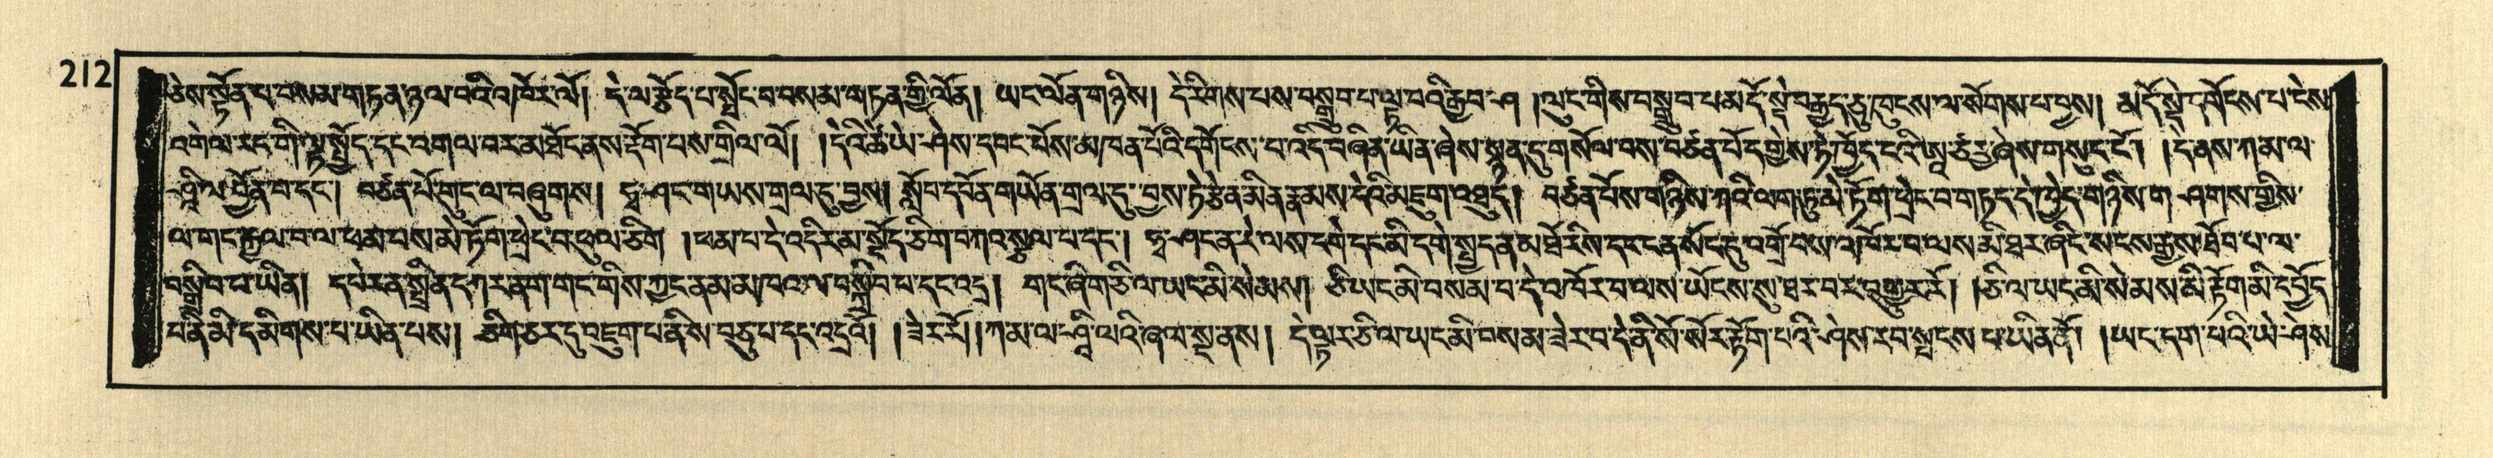ཅེས་སྟོན་པ་བསམ་གཏན་ཉལ་བའི་འཁོར་ལོ། དེ་ལ་རྩོད་པ་སྤོང་བ་བསམ་གཏན་གྱི་ལོན། ཡང་ལོན་གཉིས། དེ་རིགས་པས་བསྒྲུབ་པ་ལྟ་བའི་རྒྱབ་ཤ་།ལུང་གིས་བསྒྲུབ་པ་མདོ་སྡེ་བརྒྱད་ཅུ་ཁུངས་ལ་སོགས་པ་བྱས། མདོ་སྡེ་དགོངས་པ་ངེས་
འགེལ་རང་གི་ལྟ་སྤྱོད་དང་འགལ་བར་མཐོང་ནས་རྡོག་པས་གྲིལ་ལོ། །དེའི་ཚེ་ཡེ་ཤེས་དབང་པོས་མཁན་པོའི་དགོངས་པ་འདི་བཞིན་ཡིན་ཞེས་སྙན་དུ་གསོལ་བས་བཙན་པོ་དགྱེས་ཏེ་ཁྱོད་ངའི་ཨཱ་ཙརྱ་ཞེས་གསུང་ངོ། །དེ་ནས་ཀ་མ་ལ་
ཤཱི་ལ་བྱོན་པ་དང་། བཙན་པོ་གུང་ལ་བཞུགས། ཧྭ་ཤང་གཡས་གྲལ་དུ་བྱས། སློབ་དཔོན་གཡོན་གྲལ་དུ་བྱས་ཏེ་རྩེན་མིན་རྣམས་དེའི་མཇུག་འཐུད། བཙན་པོས་གཉིས་ཀའི་ལག་ཏུ་མེ་ཏོག་ཕྲེང་བ་གཏད་དེ་ཁྱེད་གཉིས་གཤགས་གྱིས་
ལ་གང་རྒྱལ་བ་ལ་ཕམ་བས་མེ་ཏོག་ཕྲེང་བ་ཕུལ་ཅིག །ཕམ་པ་དེ་འདིར་མ་སྡོད་ཅིག་བཀའ་སྩལ་པ་དང་། ཧྭ་ཤང་ན་རེ་ལས་དགེ་དང་མི་དགེ་སྤྱད་ན་མཐོ་རིས་དང་ངན་སོང་དུ་འགྲོ་བས་འཁོར་བ་ལས་མི་ཐར་ཞིང་སངས་རྒྱས་ཐོབ་པ་ལ་
བསྒྲིབ་པ་ཡིན། དཔེར་ན་སྤྲིན་དཀར་ནག་གང་གིས་ཀྱང་ནམ་མཁའ་ལ་བསྒྲིབ་པ་དང་འདྲ། གང་ཞིག་ཅི་ལ་ཡང་མི་སེམས། ཅི་ཡང་མི་བསམ་པ་དེ་འཁོར་བ་ལས་ཡོངས་སུ་ཐར་བར་འགྱུར་རོ། །ཅི་ལ་ཡང་མི་སེམས་མི་རྟོག་མི་དཔྱོད་
པ་ནི་མི་དམིགས་པ་ཡིན་པས། ཅིག་ཅར་དུ་འཇུག་པ་ནི་ས་བཅུ་པ་དང་འདྲའོ། །ཟེར་རོ། །ཀ་མ་ལ་ཤཱི་ལའི་ཞལ་སྔ་ནས། དེ་ལྟར་ཅི་ལ་ཡང་མི་བསམ་ཟེར་བ་དེ་ནི་སོ་སོར་རྟོག་པའི་ཤེས་རབ་སྤངས་པ་ཡིན་ནོ། །ཡང་དག་པའི་ཡེ་ཤེས་